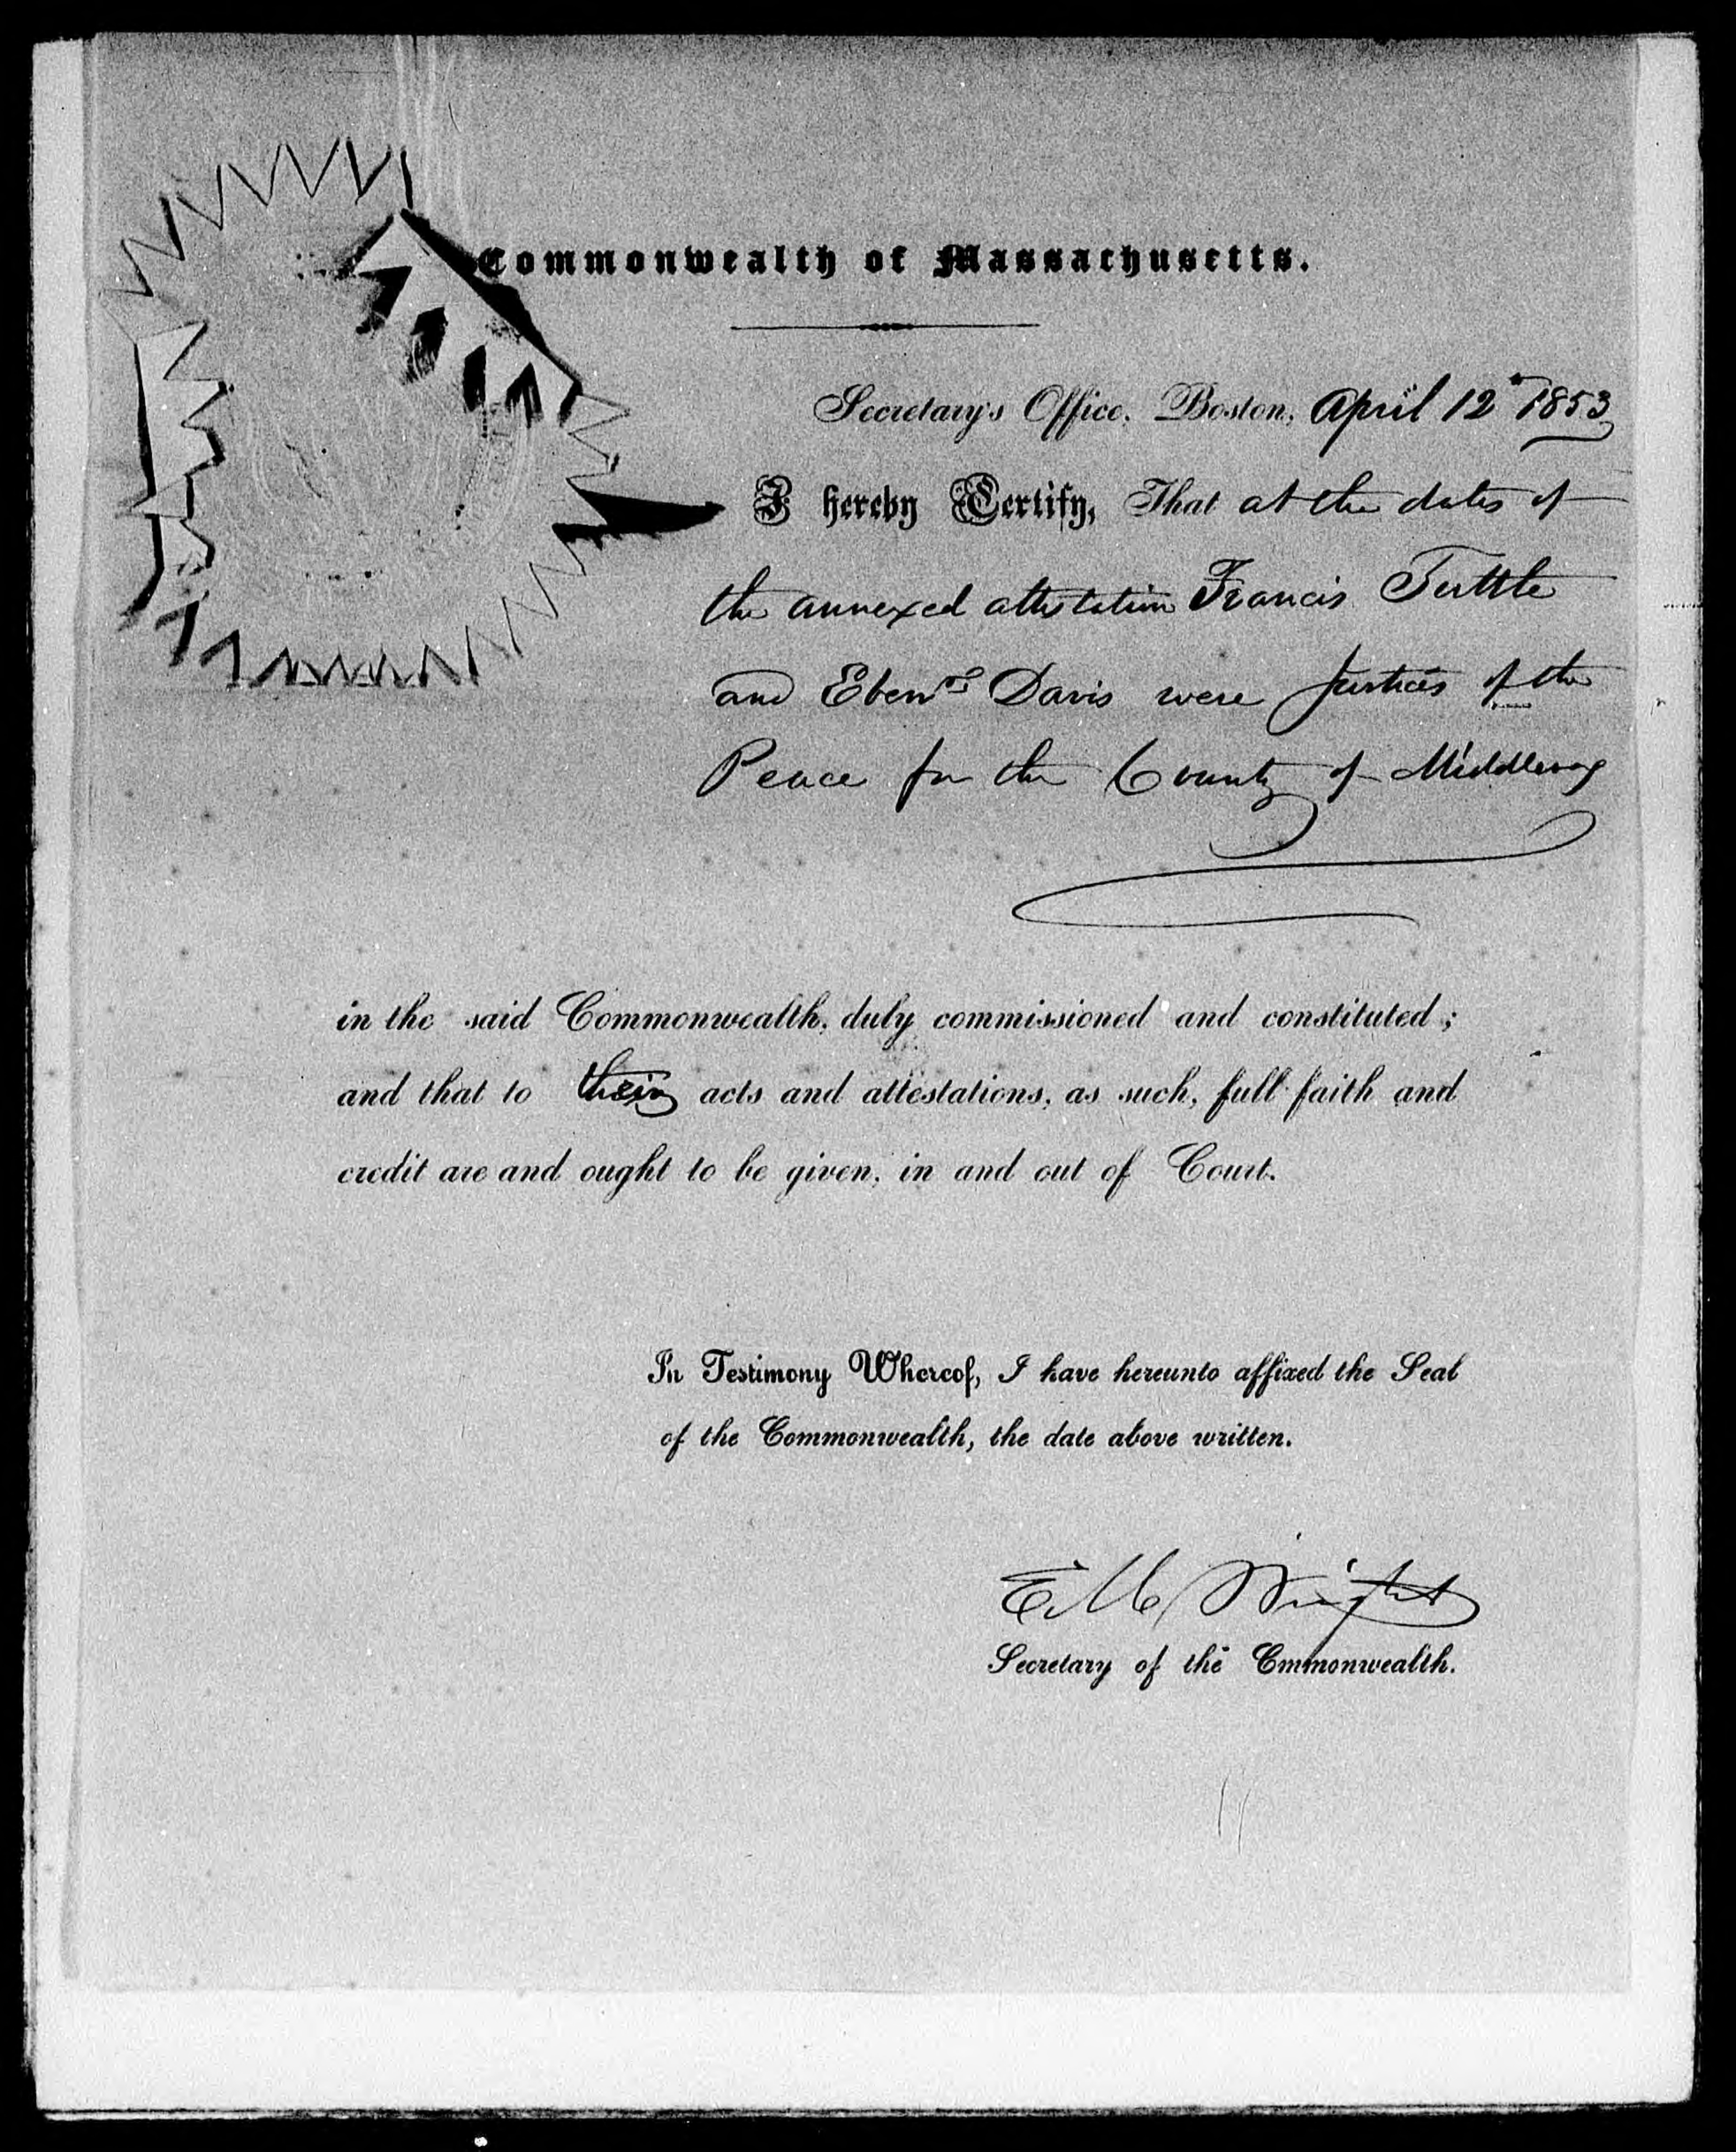Commonwealth of Massachusetts
Secretary's Office, Boston, April 12, 1853
I hereby certify that at the date of the annexed attestation Francis Tuttle and Ebenezer Davis were Justices of the Peace for the County of Middlesex in the said Commonwealth duly commissioned and constituted; and that to their acts and attestations as such, full faith and credit are and ought to be given in and out of Court.
In testimony whereof, I have hereunto affixed the seal of the Commonwealth, the date above written. 
E. M. Wright
Secretary of the Commonwealth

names: E M Wright, Francis Tuttle, Ebenr Davis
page: 32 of 47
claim: widow's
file: W. 7,302, John Foster, Continental Mass. R.I.